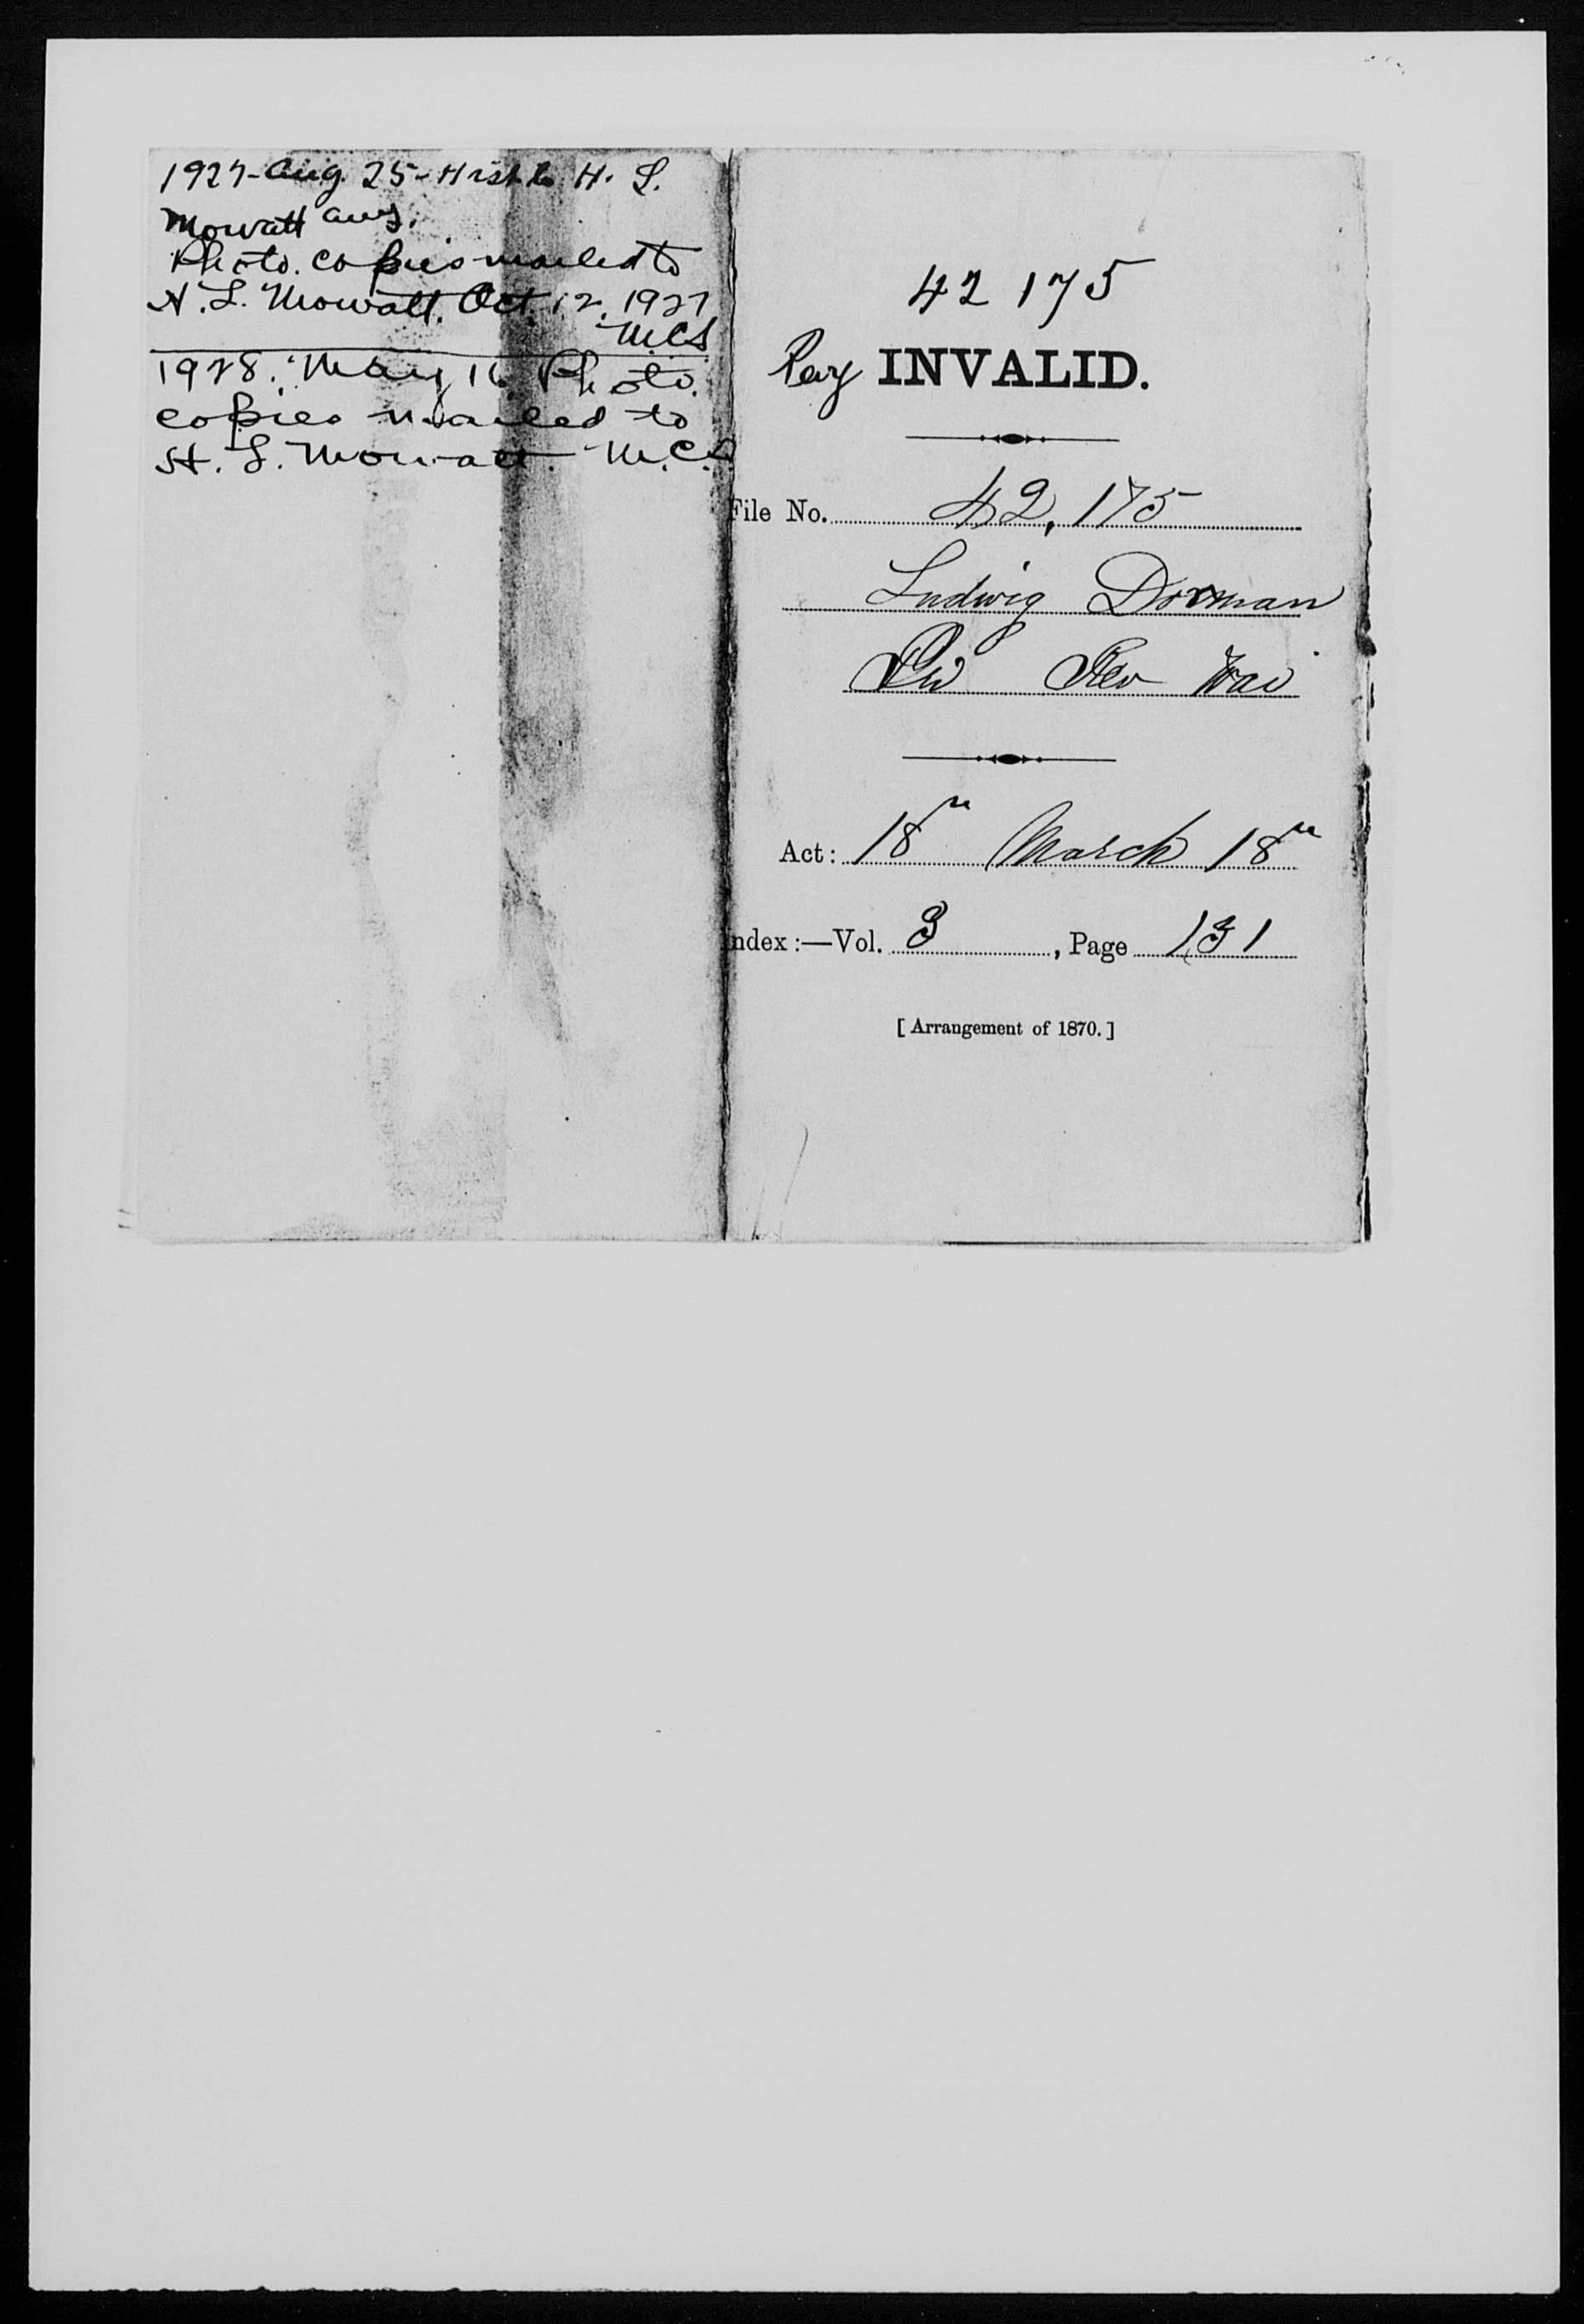1927-Aug. 25-Hist to  H. L. Mowatt Auy.
Photo Copies mailed to 
H. L. Mowatt. Oct. 12, 1927 WCS
_____________________
1928 May 16 Photocopies mailed to
H. L. Mowatt W.C.D.

42 175
Revy INVALID
-
File No. 42,175
Ludwig Dorman
Prv Rev War
-
Act: 18 March 18
Index: -- Vol. 3___, Page 131
[Arrangement of 1870.}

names: H L Mowatt, Ludwig Dorman, H L Mowatt, H L Mowatt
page: 14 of 16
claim: survivor's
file: S. 42,175, Ludwig Dorman, Penn.